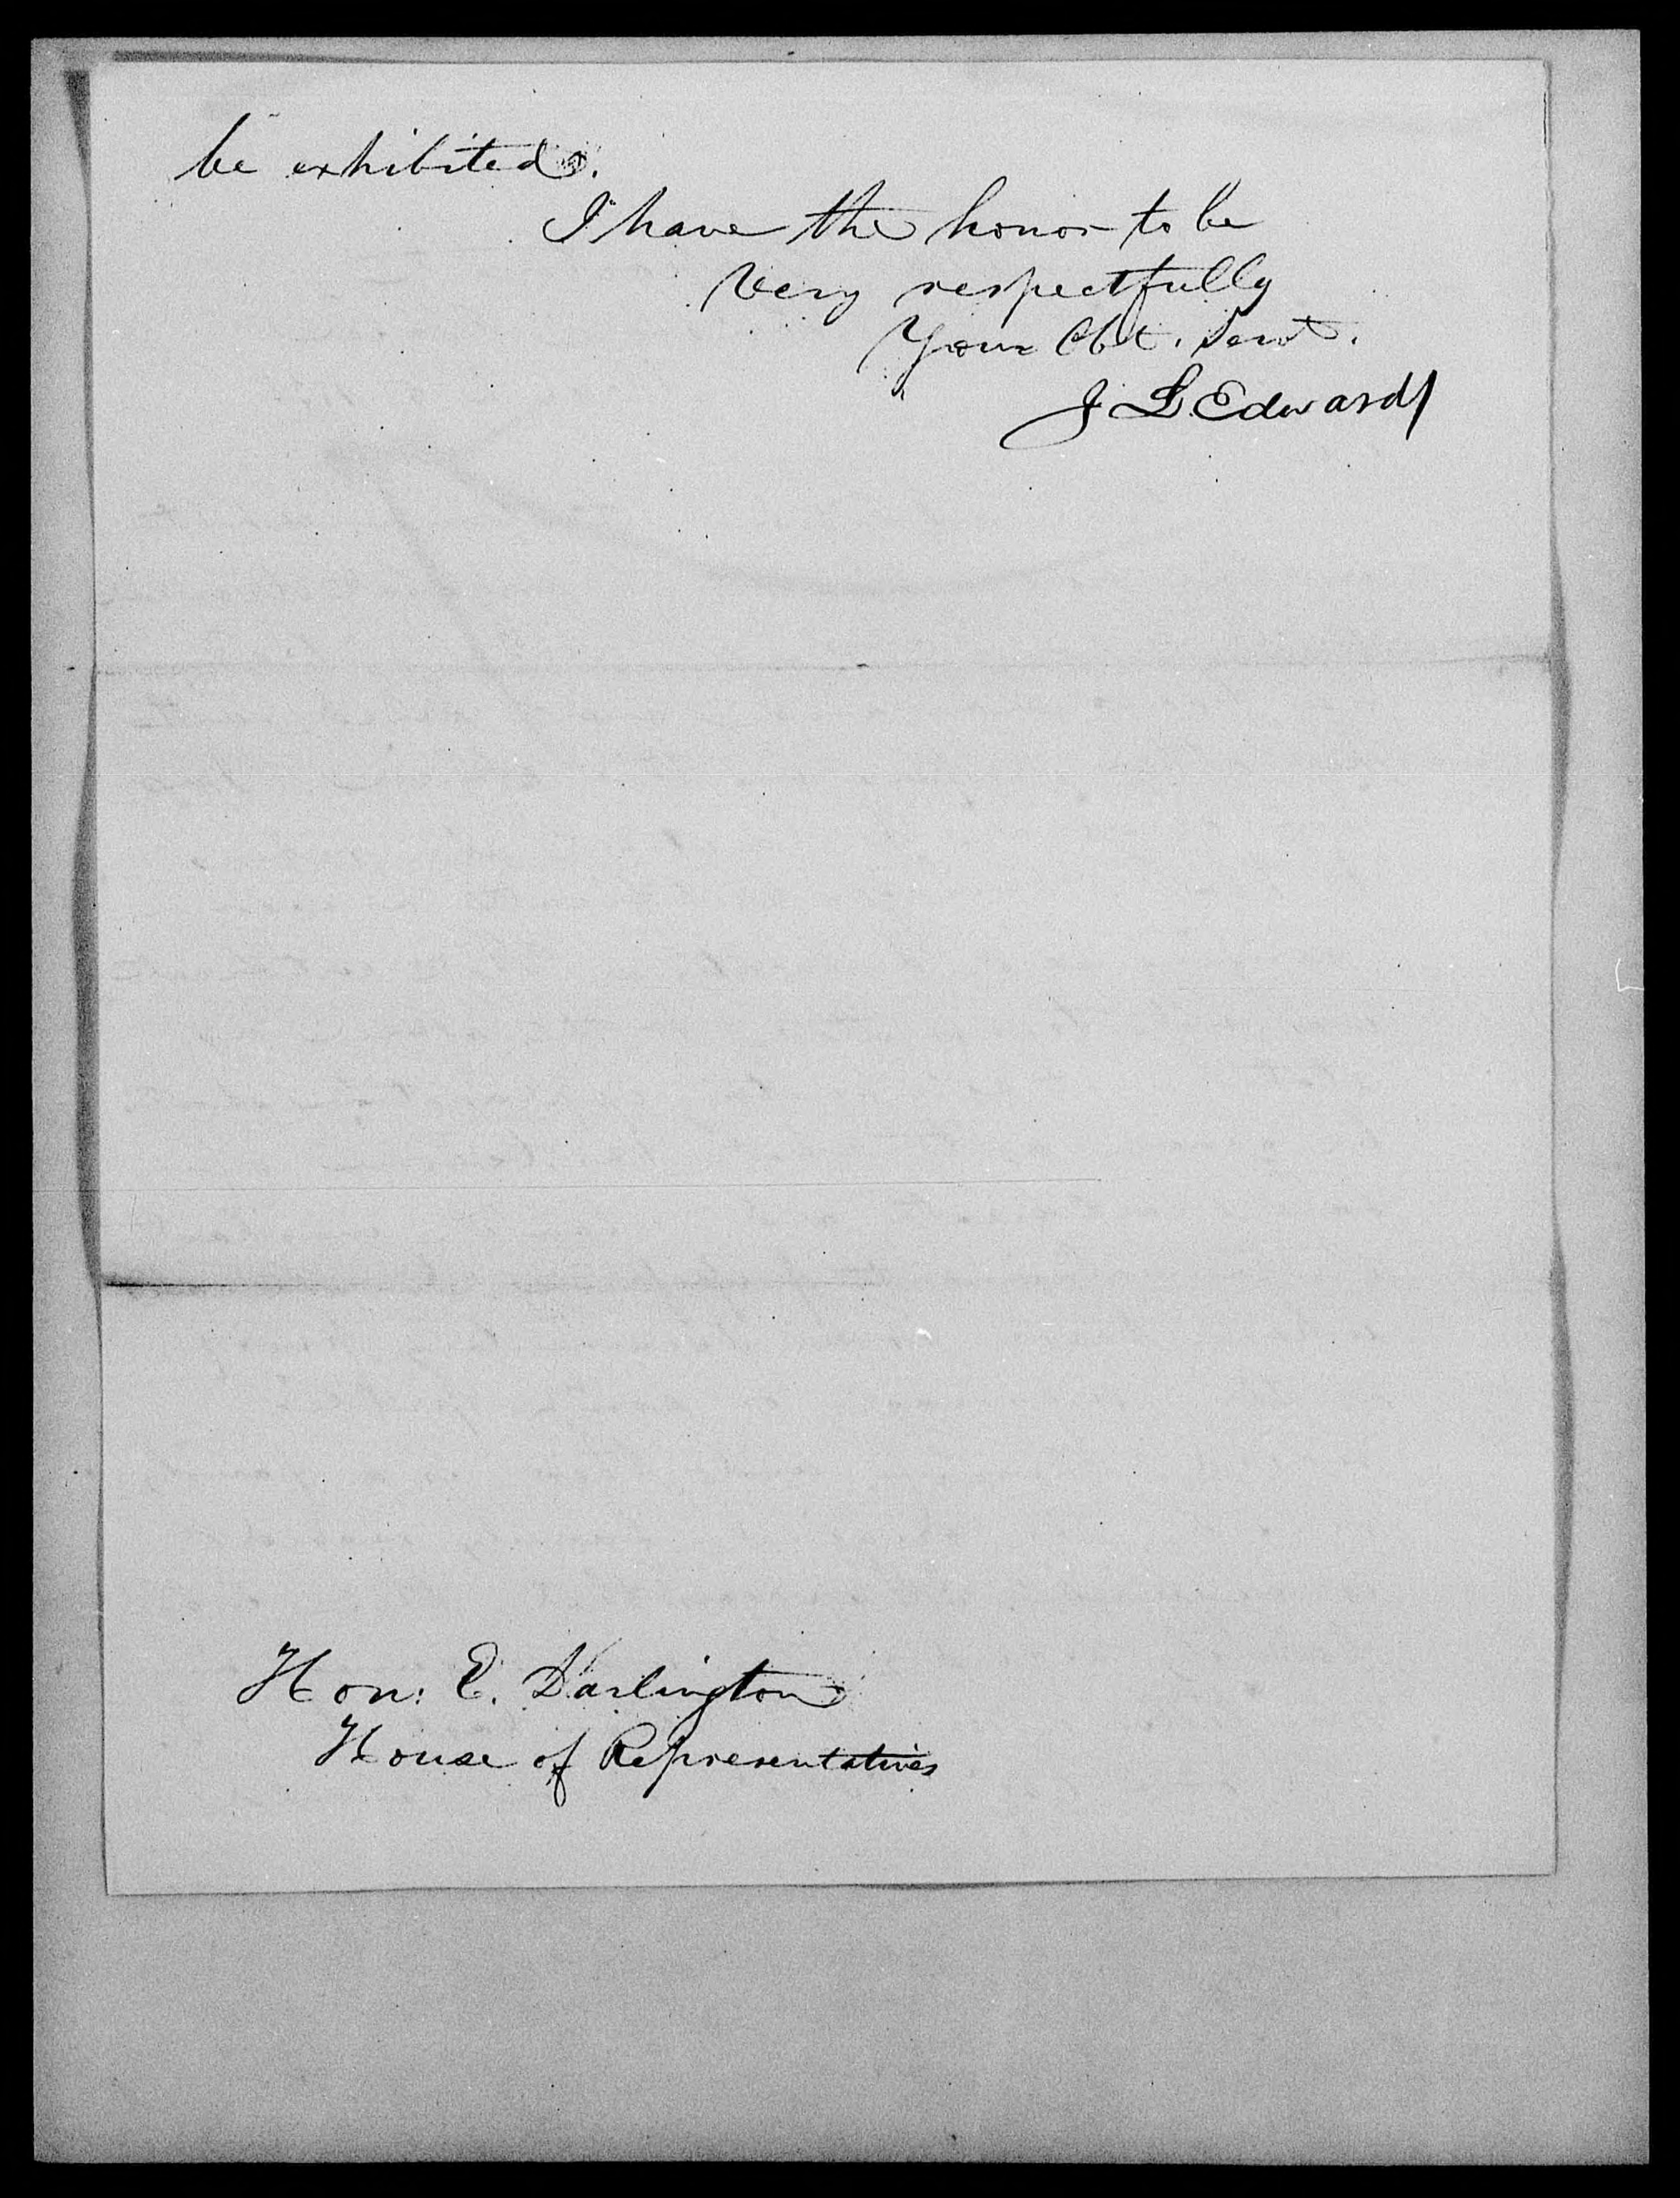exhibited.

I have the honor to be
very respectfully 
Your out. svt.
J.L. Edward

Hon E. Darlington
House of Representatives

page: 38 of 86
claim: widow's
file: W. 3571, for David Marshall, Pennsylvania